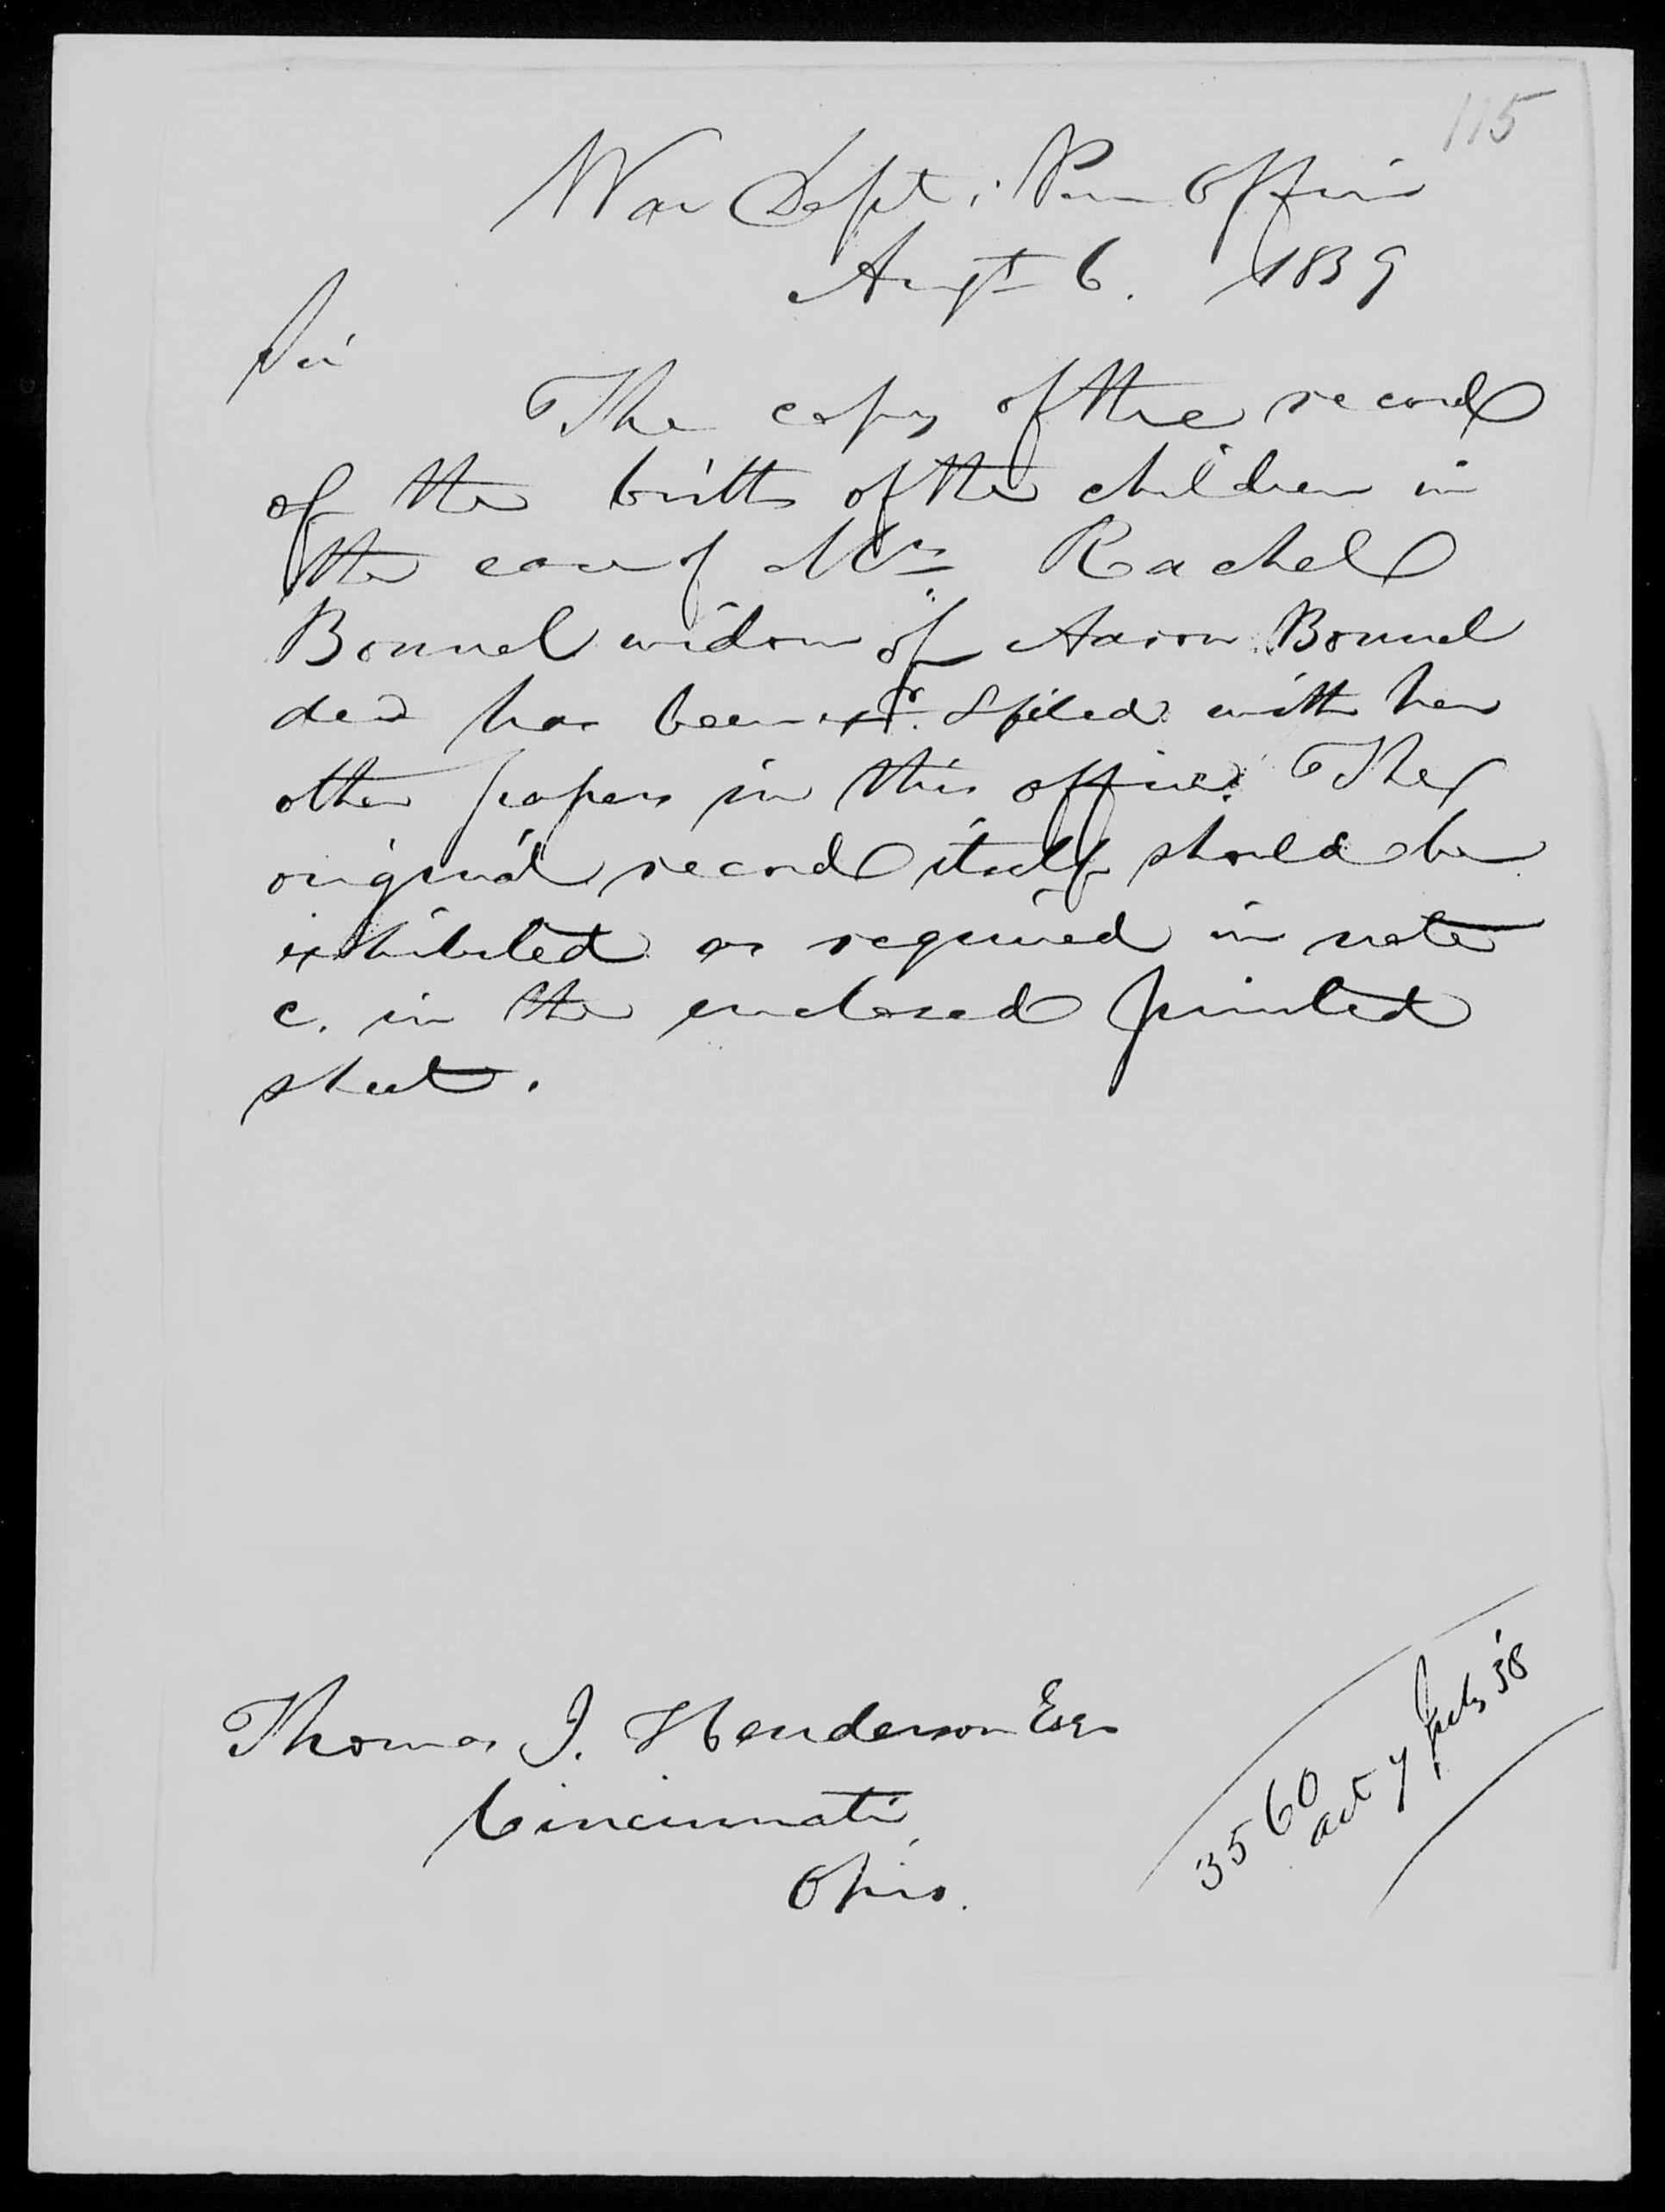115
War Dept; Pen Office
Augt 6 1839
Sir
The copy of the record of the births of the children in the case of Mrs. Rachel Bonnel widow of Aaron Bonnel decd has been &c & filed with her other papers in this office.  The original record itself should be exhibited or required in note c. in the enclosed printed sheet.

Thomas J. Henderson Esq.
Cincinnati Ohio

3560 Act 7 July '38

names: Rachel Bonnel, Aaron Bonnel, Thomas J Henderson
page: 46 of 67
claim: rejected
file: R. 1009, Aaron Bonnel, New Jersey